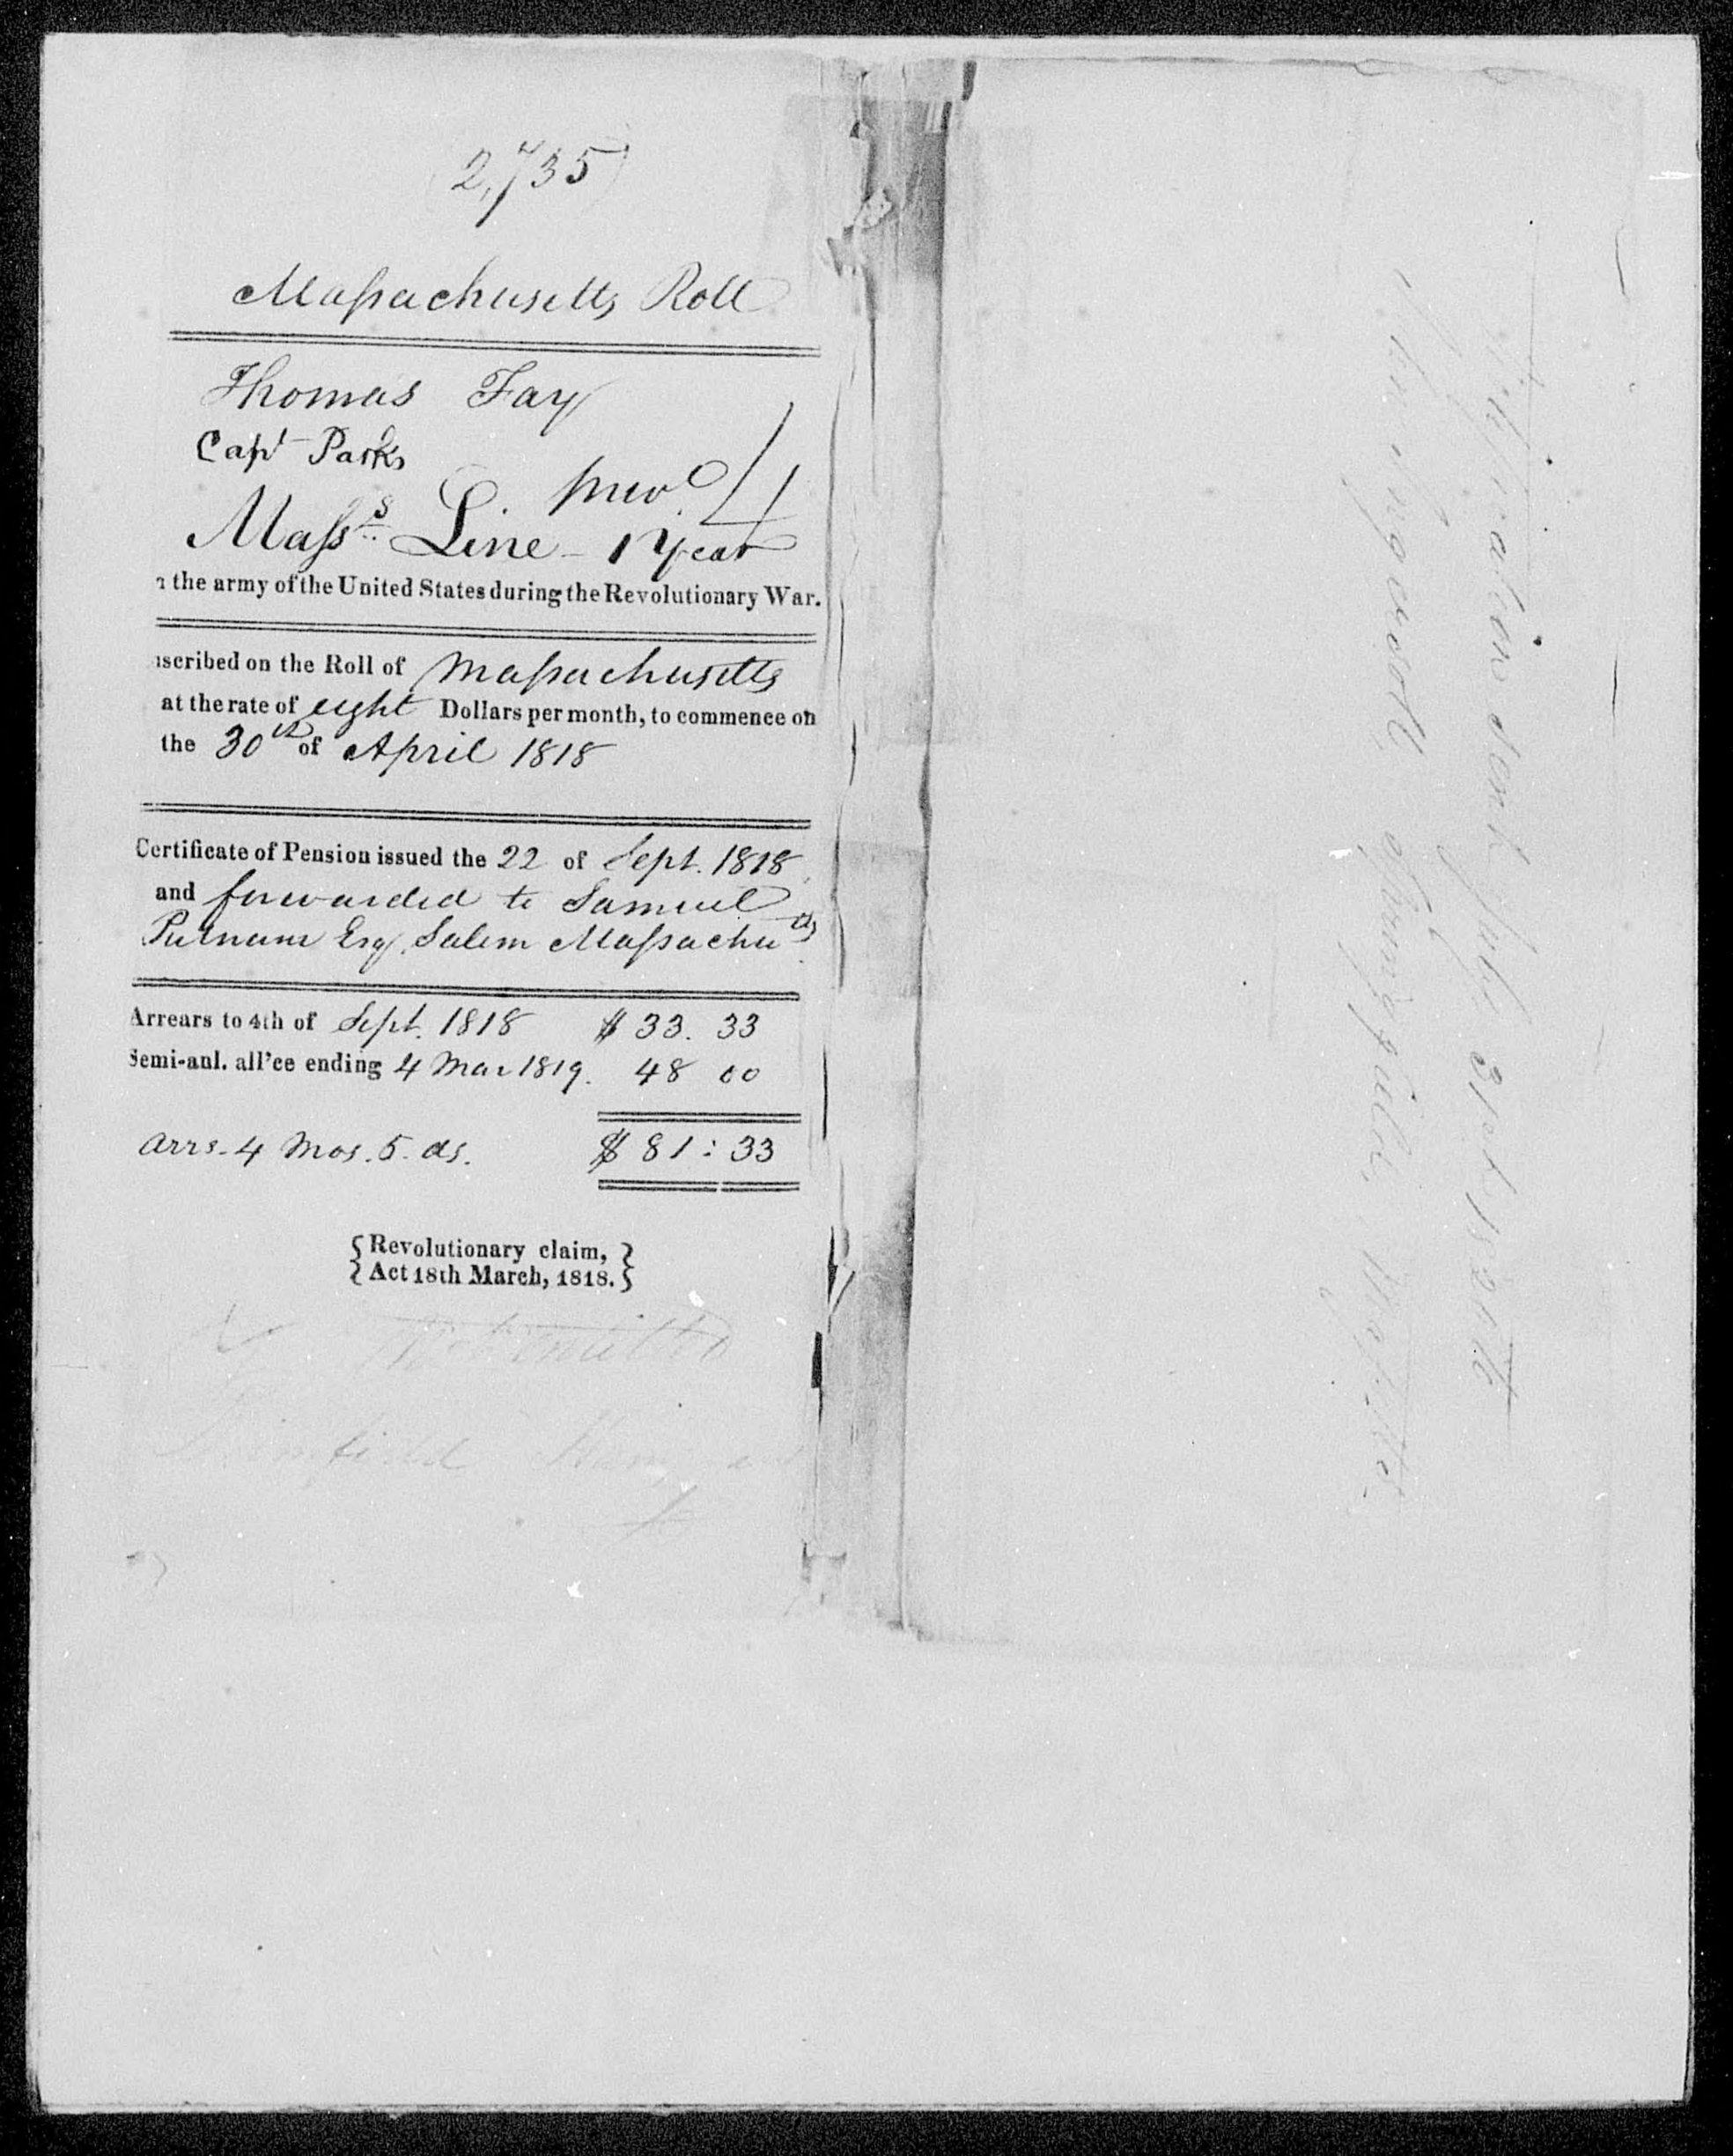2,735
Massachusetts Roll
=========================
Thomas Fay
Capt Parks
[prive]
Mass Line 1 year
in the army of the United States during the Revolutionary War.
=========================
Inscribed on the Roll of Massachusetts
at the rate of eight Dollars per month, to commence on the 30th of April 1818
==========================
Certificate of Pension issued the 22 of Sept. 1818 and forwarded to Samuel
Putnam Esq. Salem Massachusetts
==========================
Arrears to 4th of Sept. 1818          $33.33
Semi-anl all'ce ending 4 Mar 1819 48 00
==========================
Arrs. 4 Mo. 5. ds..                          $81:33
{Revolutionary claim,
Act 18th March, 1818.}
[following section written faintly along side]
Notification sent July 31 1820 to
John Ingersoll, Springfield Massachusetts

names: Parks, John Ingersoll, Thomas Fay, Samuel Putnam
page: 2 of 31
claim: survivor's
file: S. 34,839, Thomas Fay, Mass.